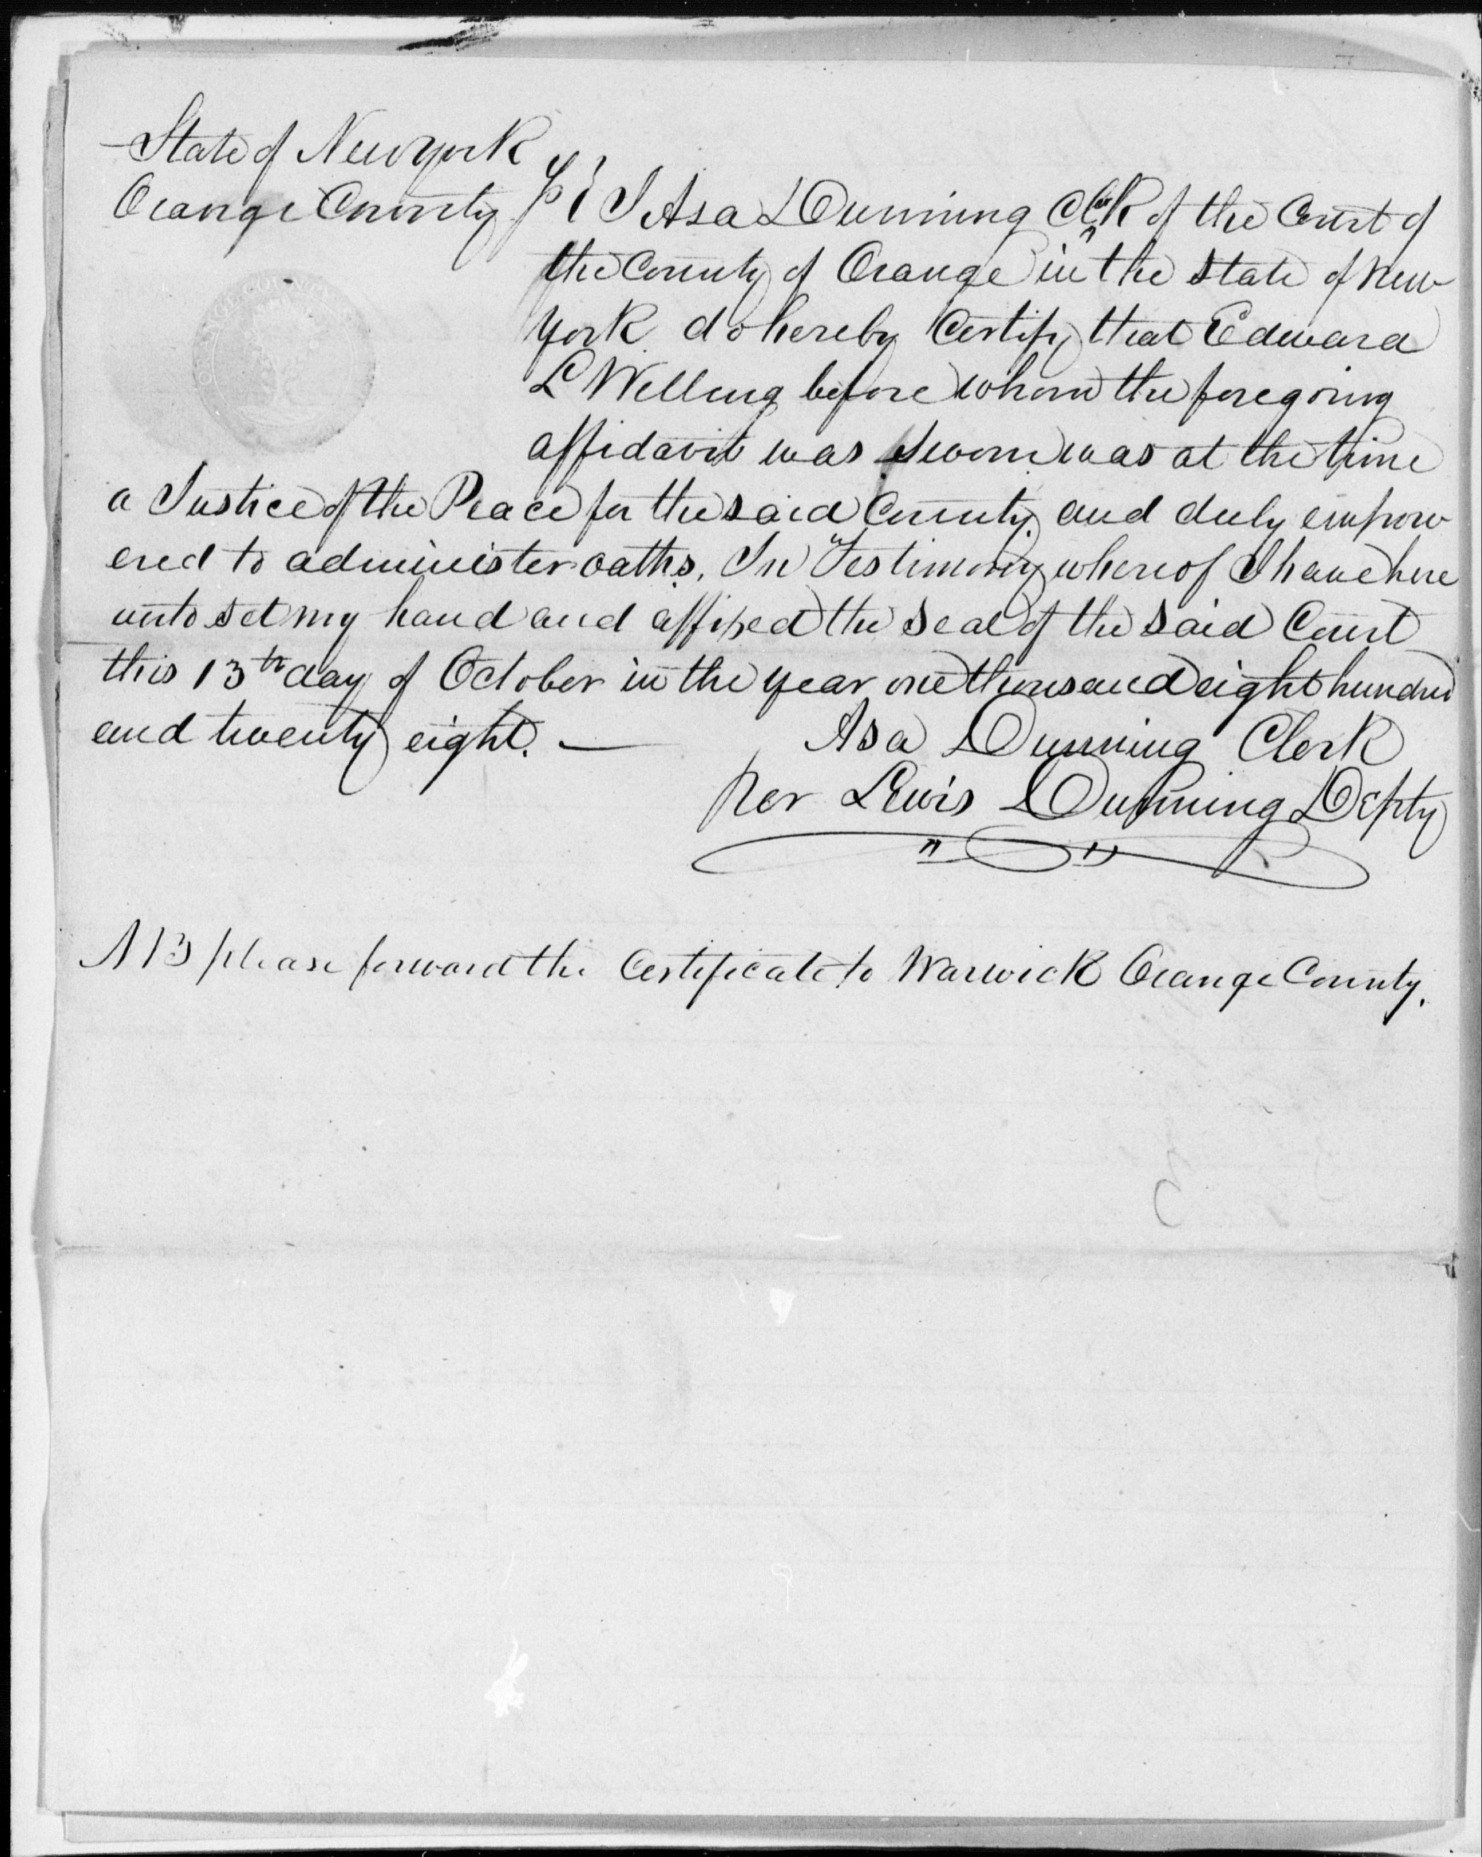State of New York
Orange County
I Asa Dunning Clerk Of the court of the county of Orange in the state of New York, do hereby certify That Edward L Welling, before whom the forgoing Affidavit was sworn was at the time A justice of the peace for The said county And Duly Empowered Administer oaths. In testimony, whereof I have here unto Set my hand And affixed the seal of the said Court this 13th day of October in the year one thousand eight hundred and twenty eight.
Asa Dunning Clerk
Per Lewis Dunning, Deputy
MS please forward the certificate to Warwick Orange County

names: Lewis Dunning, Asa Dunning, Edward L Welling, Asa Dunning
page: 13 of 13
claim: survivor's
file: S. 28,212, Mathew Adams, New York